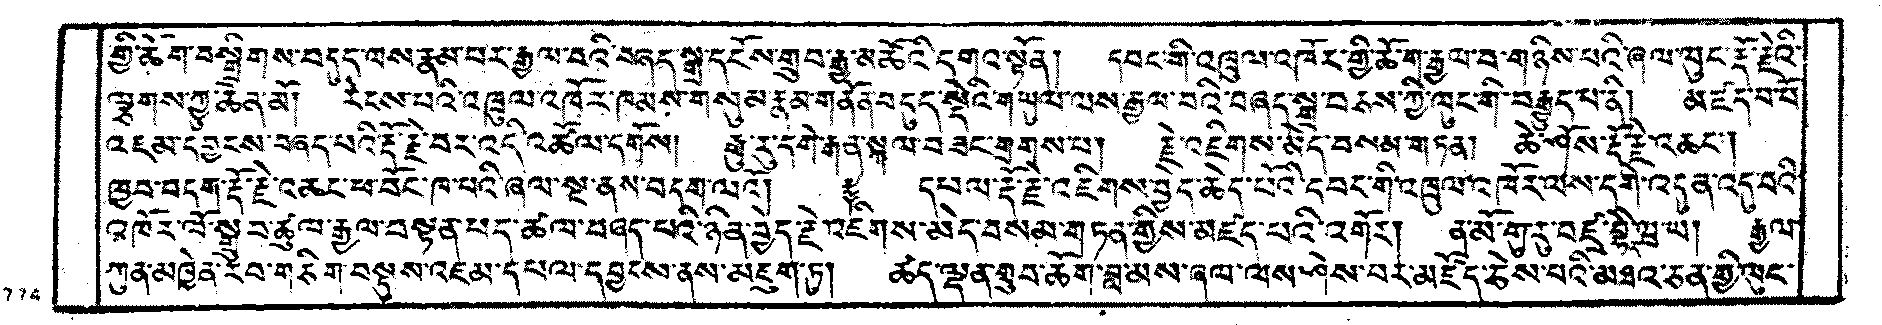གྱི་ཆོག་བསྒྲིགས་བདུད་ལས་རྣམ་པར་རྒྱལ་བའི་བཞད་སྒྲ་དངོས་གྲུབ་རྒྱ་མཚོའི་དགའ་སྟོན། དབང་གི་འཁྲུལ་འཁོར་གྱི་ཆོ་ག་རྒྱལ་བ་གཉིས་པའི་ཞལ་ལུང་རྡོ་རྗེའི་
ལྕགས་ཀྱུ་ཆེན་མོ། རེངས་པའི་འཁྲུལ་འཁོར་ཁམས་གསུམ་རྣམ་གནོད་བདུད་སྡེའི་གཡུལ་ལས་རྒྱལ་བའི་བཞད་སྒྲ་བཅས་ཀྱི་ལུང་གི་བརྒྱུད་པ་ནི། མཛད་པ་པོ་
འཇམ་དབྱངས་བཞད་པའི་རྡོ་རྗེ་བར་འདི་འཚོལ་དགོས། རྒུ་རུ་དགེ་རྒན་སྐལ་བཟང་གྲགས་པ། རྗེ་འཇིགས་མེད་བསམ་གཏན། ཆེ་ཤོས་རྡོ་རྗེ་འཆང་།
ཁྱབ་བདག་རྡོ་རྗེ་འཆང་ཕ་བོང་ཁ་པའི་ཞལ་སྔ་ནས་བདག་ལའོ། ༈ དཔལ་རྡོ་རྗེ་འཇིགས་བྱེད་ཆེད་པོའི་དབང་གི་འཁྲུལ་འཁོར་ལས་དགེ་འདུན་འདུ་བའི་
འཁོར་ལོ་སྒྲུབ་ཚུལ་རྒྱལ་བསྟན་པད་ཚལ་བཞད་པའི་ཉིན་བྱེད་རྗེ་འཇིགས་མེད་བསམ་གཏན་གྱིས་མཛད་པའི་འགོར། ན་མོ་གུ་རུ་བཛྲ་བྷཻར་ཝ་ཡ། རྒྱལ་
ཀུན་མཁྱེན་རབ་གཅིག་བསྡུས་འཇམ་དཔལ་དབྱངས་ནས་མཇུག་ཏུ། ཚད་ལྡན་གྲུབ་ཆོག་བླ་མས་ཞལ་ལས་ཤེས་པར་མཛོད་ཅེས་པའི་མཐའ་ཅན་གྱི་ལུང་